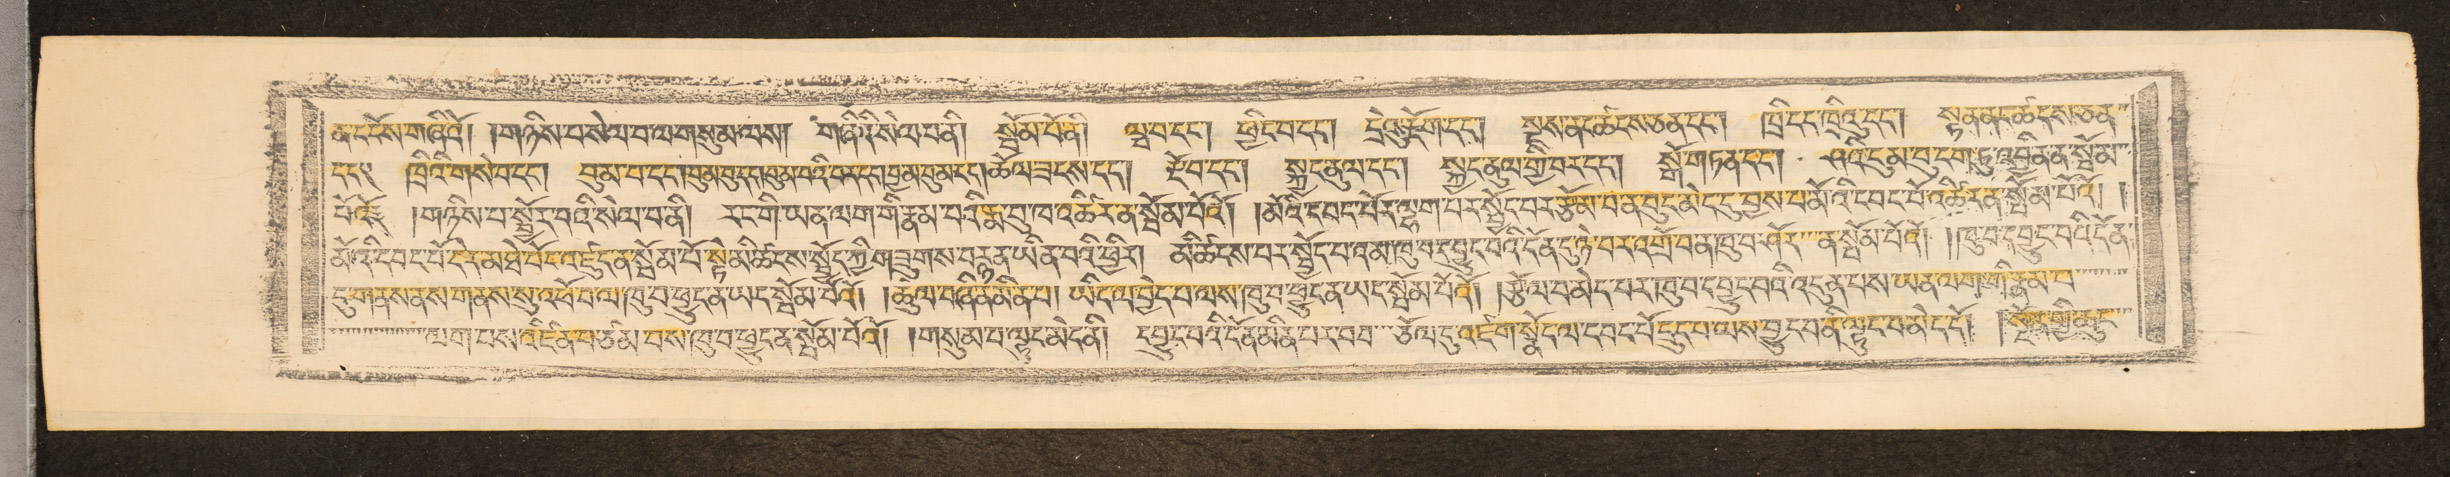ན་དངོས་གཞིའོ། །གཉིས་པ་སེལ་བ་ལ་གསུམ་ལས། གཞིའི་སེལ་བ་ནི། སྦོམ་པོ་ནི། ལྭ་བ་དང་། ཕྱིང་བ་དང་། དྲེའུ་རྡོག་དང་། སྔས་ནང་ཚངས་ཅན་དང་། ཁྲི་དང་ཁྲིའུ་དང་། སྟན་ནང་ཚངས་ཅན་
དང༑ ཁྲིའི་གསེབ་དང་། བུམ་པ་དང་། བུམ་བུ་དང་། བུམ་པའི་བར་དང་། བྱམ་བུམ་དང་། ཆོལ་ཟངས་དང་། རྡོ་བ་དང་། སྐྱང་ནུལ་དང་། སྐྱང་ནུལ་གྱི་བར་དང་། སྒོ་གཏན་དང་། ཤའི་དུམ་བུ་དག་ཏུ་འབྱིན་ན་སྦོམ་
པོའོ༑ །གཉིས་པ་སྦྱོར་བའི་སེལ་བ་ནི། རང་གི་ཡན་ལག་གི་རྣམ་པའི་རྨ་བུ་ཁ་འཚིར་ན་སྦོམ་པོའོ། །མོའི་དབང་པོར་ལྷག་པར་སྤྱོད་པར་རྩོམ་པ་ན་བུད་མེད་དུ་བྱས་པ་མོའི་དབང་པོ་འཚིར་ན་སྦོམ་པོའོ། །
མོའི་དབང་པོ་དེར་མཐེ་བོང་འཛུད་ན་སྦོམ་པོ་སྟེ་མི་ཚངས་སྤྱོད་ཀྱི་གཟུགས་བརྙན་ཡིན་བའི་ཕྱིར། མི་ཚངས་པར་སྤྱོད་པ་འམ་ཁུ་བ་དབྱུང་བའི་དོན་དུ་ཉེ་བར་འགྲོ་བ་ན་ཁུ་བ་ཤོར་ན་སྦོམ་པོའོ། །ཁུ་བ་དབྱུང་བའི་དོན་
དུ་གནས་ནས་གནས་སུ་འཕོ་བ་ལ་ཁུ་བ་ཕྱུང་ན་ཡང་སྦོམ་པོའོ། །ཚུལ་བཞིན་མིན་པ། ཡིད་ལ་བྱེད་པ་ལས་ཁུ་བ་བྱུང་ན་ཡང་སྦོམ་པོའོ། །རྩོལ་བ་མེད་པར་ཁུ་བ་དབྱུང་བའི་འདུན་པས་ཡན་ལག་གི་རྣམ་པ་
ལག་པས་འཛིན་པ་ཙམ་པས་ཁུ་བ་ཕྱུང་ན་སྦོམ་པོའོ། །གསུམ་པ་ལྟུང་མེད་ནི། དབྱུང་བའི་དོན་མིན་པར་བབ་ཅོལ་དུ་འཛག་སྣོད་ལ་དབང་པོ་དྲུད་པ་ལས་བྱུང་བ་ནི་ལྟུང་བ་མེད་དོ། །སྔོན་གྱི་ཆུང་